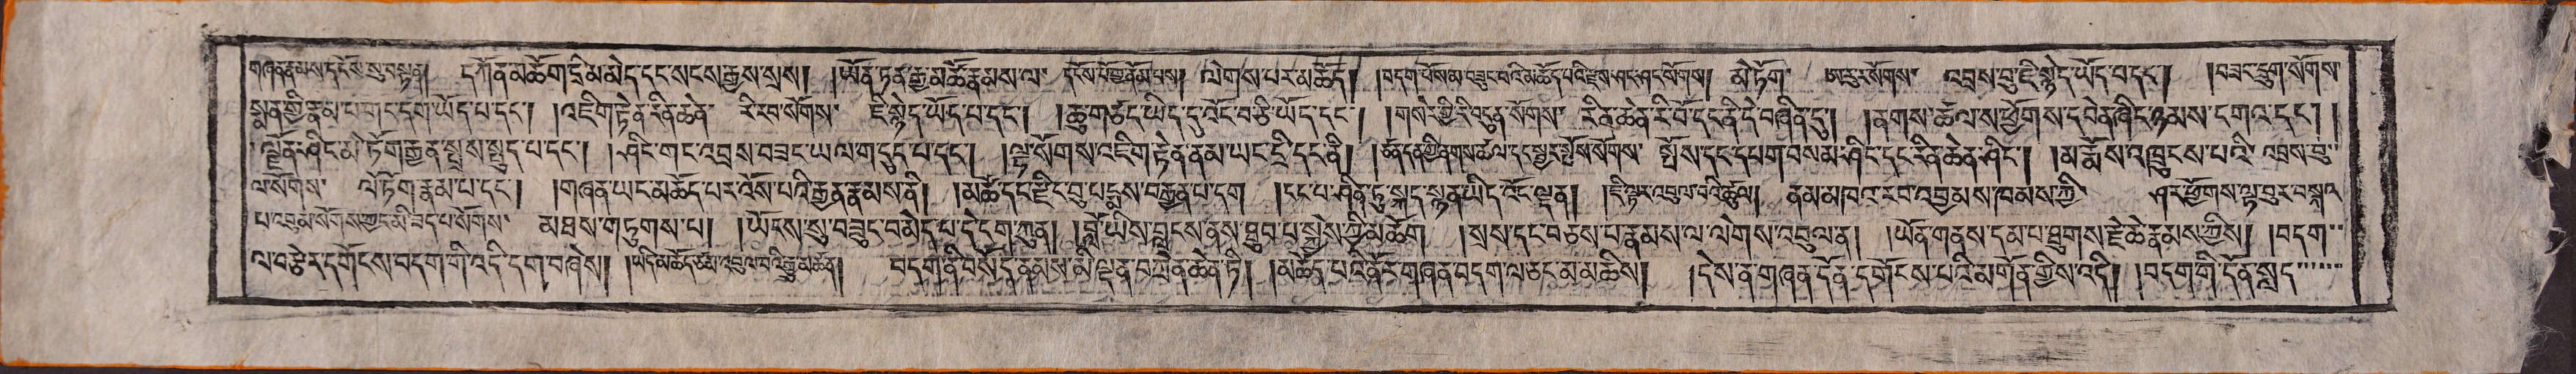གཞན་རྣམས་དངོས་སུ་བསྟན། དཀོན་མཆོག་དྲི་མ་མེད་དང་སངས་རྒྱས་སྲས། །ཡོན་ཏན་རྒྱ་མཚོ་རྣམས་ལ་དངོས་པོ་གྱ་ནོམ་པས་ལེགས་པར་མཆོད། །བདག་པོས་མ་བཟུང་བའི་མཆོད་པའི་རྫས་ཤང་ཤང་སོགས་མེ་ཏོག་ཨ་རུ་ར་སོགས་འབྲས་བུ་ཇི་སྙེད་ཡོད་པ་དང་། །བཟང་དྲུག་སོགས།
སྨན་གྱི་རྣམ་པ་གང་དག་ཡོད་པ་དང་། །འཇིག་རྟེན་རིན་ཆེན་རི་རབ་སོགས་ཇི་སྙེད་ཡོད་པ་དང་། །ཆུ་གཙང་ཡིད་དུ་འོང་བ་ཅི་ཡོད་དང་། །གསེར་གྱི་རི་བདུན་སོགས་རིན་ཆེན་རི་བོ་དང་ནི་དེ་བཞིན་དུ། །ནགས་ཚལ་ས་ཕྱོགས་དབེན་ཞིང་ཉམས་དགའ་
དང༑ ༑ལྗོན་ཤིང་མེ་ཏོག་རྒྱན་སྤྲས་སྤུད་པ་དང་། །ཤིང་གང་འབྲས་བཟང་ཡལ་ག་དུད་པ་དང་། །ལྷ་སོགས་འཇིག་རྟེན་ན་ཡང་དྲི་དང་ནི། །ཙན་དན་གྱི་ནགས་ཚལ་དང་སྦྱར་སྤོས་སོགས་སྤོས་དང་དཔག་བསམ་ཤིང་དང་རིན་ཆེན་ཤིང་། །མ་རྨོས་འཁྲུངས་པའི་
འབྲས་ས་ལུ་སོགས་ལོ་ཏོག་རྣམ་པ་དང་། །གཞན་ཡང་མཆོད་པར་འོས་པའི་རྒྱན་རྣམས་ནི། །མཚོ་དང་རྫིང་བུ་པདམས་བརྒྱན་པ་དག །ངང་པ་ཤིན་ཏུ་སྐད་སྙན་ཡིད་འོང་ལྡན། །ཇི་ལྟར་འབུལ་པའི་ཚུལ།  ནམ་མཁའ་རབ་འབྱམས་ཁམས་ཀྱི་ཤར་ཕྱོགས་ལྟ་བུར་
བསྐལ་བ་འབུམ་སོགས་ཀྱང་མི་ཟད་པ་སོགས་མཐས་གཏུགས་པ། །ཡོངས་སུ་བཟུང་བ་མེད་པ་དེ་དག་ཀུན། །བློ་ཡིས་བླངས་ནས་ཐུབ་པ་སྐྱེས་ཀྱི་མཆོག །སྲས་དང་བཅས་པ་རྣམས་ལ་ལེགས་འབུལ་ན། །ཡོན་གནས་དམ་པ་ཐུགས་རྗེ་ཆེ་རྣམས་ཀྱིས། །བདག་ལ་
བརྩེར་དགོངས་བདག་གི་འདི་དག་བཞེས། །ཡིད་མཆོད་ཙམ་འབུལ་བའི ༩རྒྱུ་མཆན།  བདག་ནི་བསོད་ནམས་མི་ལྡན་བཀྲེན་ཆེན་ཏེ། །མཆོད་པའི་ནོར་གཞན་བདག་ལ་ཅང་མ་མཆིས། །དེས་ན་གཞན་དོན་དགོངས་པའི་མགོན་གྱིས་འདི། །བདག་གི་དོན་སླད་